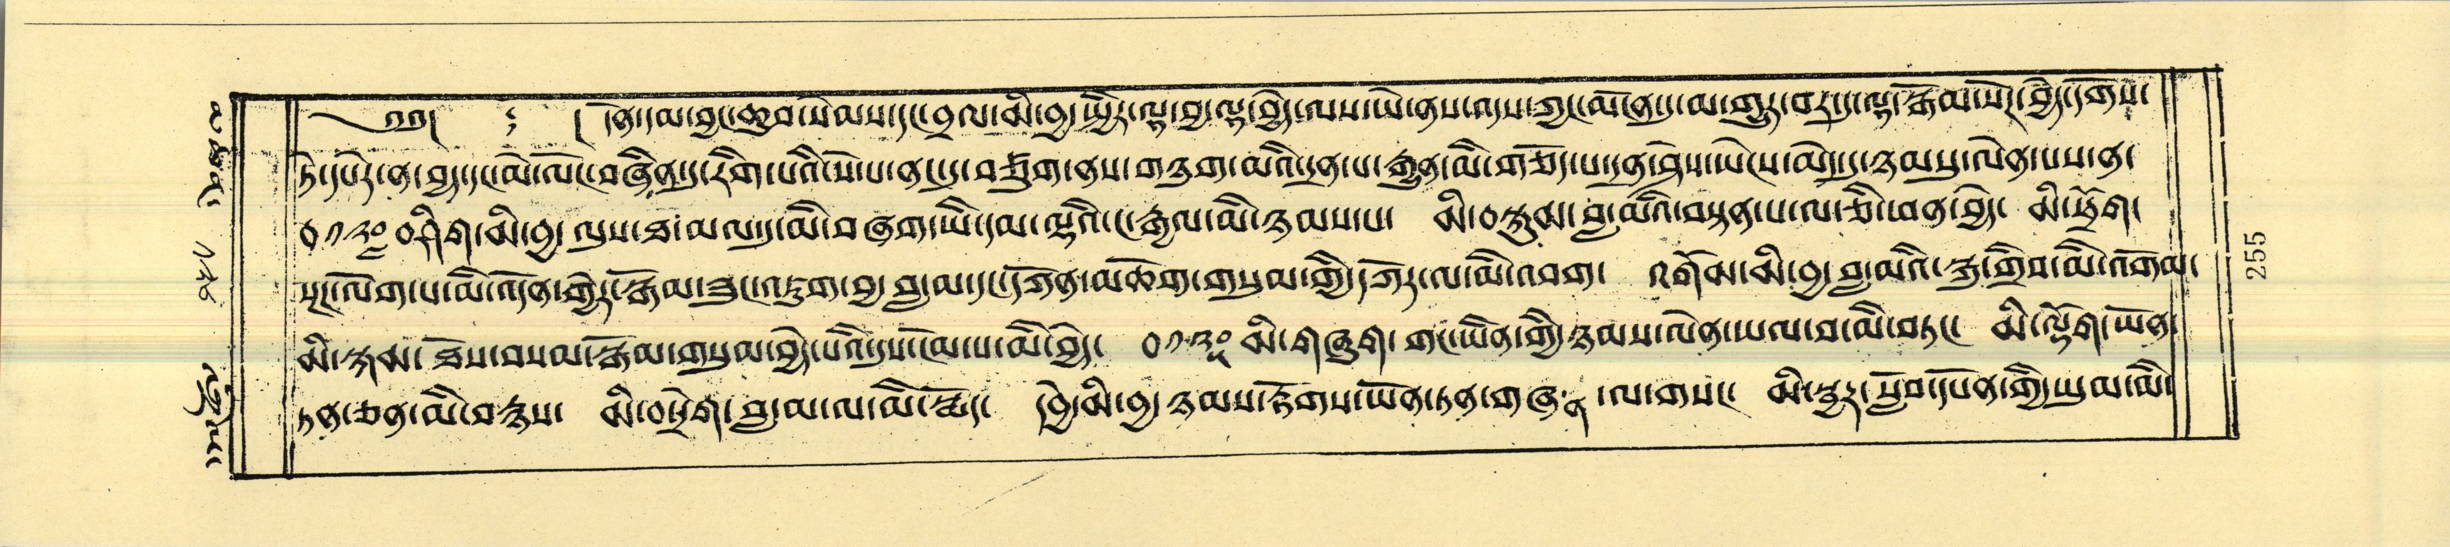དོན་དམ་བྱང་ཆུབ་སེམས་དང་ ༼བྲལ་མི་བྱ་༽སྤྱིར་ལྟ་བྱ་ལྟ་བྱེད་ལས་ཡེ་ནས་འདས་ཀྱང་མངོན་དུ་མ་གྱུར་བར་དུ་ལྟ་སྒོམ་སོགས་བྱེད་དགོས་
ཏེ་ ༼དཔེར་ན་༽བྱད་དང་མེ་ལོང་བཞིན་དུ་རིག་པའི་སོ་པ་ནང་དུ་བཙུག་ནས་གཉུག་མའི་དྲན་པ་རྒྱུན་མི་གཅོད་པ་དྲན་ཤེས་ཡེངས་མེད་དུ་ཉམས་སུ་ལེན་པས་ན་
བ༡༢༠།༤ ༼བཤིག་མི་བྱ་༽ལུས་ཐ་ལམ་དུ་མི་བཞག་ཡི་དམ་ལྷའི་ང་རྒྱལ་མི་ཉམས་པ། ༼མི་བསྐུམ་༽བླ་མའི་བསྟན་པ་ལ་ཅི་ཕན་བྱེད། ༼མི་ཕྲོག་༽
སྔགས་ལོག་པ་མི་འདོན་གྱེར་སྒོམ་ཟུང་འཇུག་བྱ་བླ་མ་དང་དཀོན་མཆོག་གསུམ་གྱི་དཀོར་ལ་མི་འབག ༼འགོམ་མི་བྱ་༽བླ་མའི་སྐུ་གྲིབ་མི་འགོམ་ 
༼མི་སྐམ་༽ཐོས་བསམ་སྒོམ་གསུམ་བྱེད་པའི་དུས་ངོམ་པ་མི་བྱེད། བ༡༢༠།༥ ༼མི་གཞུག་༽གང་ཡིན་གྱི་ཉམས་ལེན་ཡལ་བ་མི་བཏང། ༼མི་ལྡོག་༽ཡོན་
ཏན་ཅན་མི་བརྙས། ༼མི་བསྲེག་༽བླ་མ་ལ་མི་སྨོད། ༼དབྱེ་མི་བྱ་༽ཉམས་རྟོགས་ཡོན་ཏན་གཞན་ལ་གསང། ༼མི་སྦྱར་༽སློབ་དཔོན་གྱི་ཡུམ་མི་